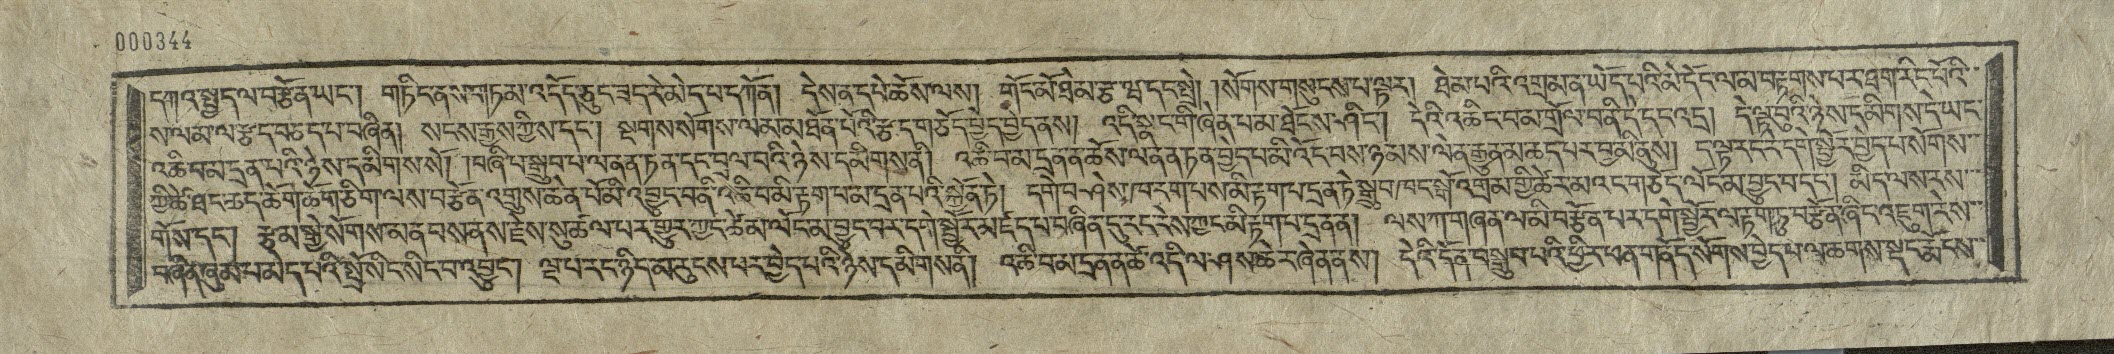དཀའ་སྤྱད་ལ་བརྩོན་ཡང་། གཏིང་ནས་གཏམ་འདོད་ཅུང་ཟད་རེ་མེད་པ་དཀོན། དེས་ན་དཔེ་ཆོས་ལས། གོང་མོ་ཐེམ་རྩ་ལྦ་དང་སྤྲེ། །སོགས་གསུངས་པ་ལྟར། ཐེམ་པའི་འགྲམ་ན་ཡོད་པའི་མེ་དོང་ལ་མ་བརྟགས་པར་ཐག་རིང་པོའི་
ས་ལམ་ལ་རྩད་བཅད་པ་བཞིན། སངས་རྒྱས་ཀྱི་ས་དང་། སྔགས་སོགས་ལམ་མཐོན་པོའི་རྩད་གཅོད་བྱེད་བྱེད་ནས། འདི་སྣང་གི་ཞེན་པ་མ་ཐོངས་ཤིང་། དེའི་འཆིང་བ་མ་གྲོལ་བ་ནི་དེ་དང་འདྲ། དེ་ལྟ་བུའི་ཉེས་དམིགས་དེ་ཡང་
འཆི་བ་མ་དྲན་པའི་ཉེས་དམིགས་སོ། །བཞི་པ་སྒྲུབ་པ་ལ་ནན་ཏན་དང་བྲལ་བའི་ཉེས་དམིགས་ནི། འཆི་བ་མ་དྲན་ན་ཆོས་ལ་ནན་ཏན་བྱེད་པ་མི་འོང་བས་ཉམས་ལེན་རྒྱུན་མ་ཆད་པར་བྱ་མི་ནུས། ད་ལྟ་རང་རེ་དགེ་སྦྱོར་བྱེད་པ་སོགས་
ཀྱི་ཚེ་ཐང་ཆད་ཆོག་ཆོག་ཅིག་ལས་བརྩོན་འགྲུས་ཆེན་པོ་མི་འབྱུང་བ་ནི་འཆི་བ་མི་རྟག་པ་མ་དྲན་པའི་སྐྱོན་ཏེ། དགེ་བཤེས་ཁ་རག་པས་མི་རྟག་པ་དྲན་ཏེ་སྒྲུབ་ཁང་སྒོ་འགྲམ་གྱི་ཚེར་མའང་གཅོད་ལོང་མ་བྱུང་བ་དང་། མིད་ལས་རས་
གོས་དང་། རྩམ་སྒྱེ་སོགས་མནབས་?་ནས་རྗེས་སུ་ཚལ་བར་གྱུར་ཀྱང་ཚེམ་ལོང་མ་བྱུང་བར་དགེ་སྦྱོར་མཛད་པ་བཞིན་དུ་རང་རེས་ཀྱང་མི་རྟག་པ་དྲན་ན། ལས་ཀ་གཞན་ལ་མི་བརྩོན་པར་དགེ་སྦྱོར་ལ་རྟག་ཏུ་བརྩོན་ཞིང་འཇུག་རེས་
བཞིན་ཞུམ་པ་མེད་པའི་སྤྲོ་སིང་སིང་བ་འབྱུང་། ལྔ་པ་རང་ཉིད་མ་རུངས་པར་བྱེད་པའི་ཉེས་དམིགས་ནི། འཆི་བ་མ་དྲན་ན་ཚེ་འདི་ལ་ཤས་ཆེར་ཞེན་ནས། དེའི་དོན་བསྒྲུབ་པའི་ཕྱིར་ཕན་གནོད་སོགས་བྱེད་པ་ལ་ཆགས་སྡང་རྨོངས་